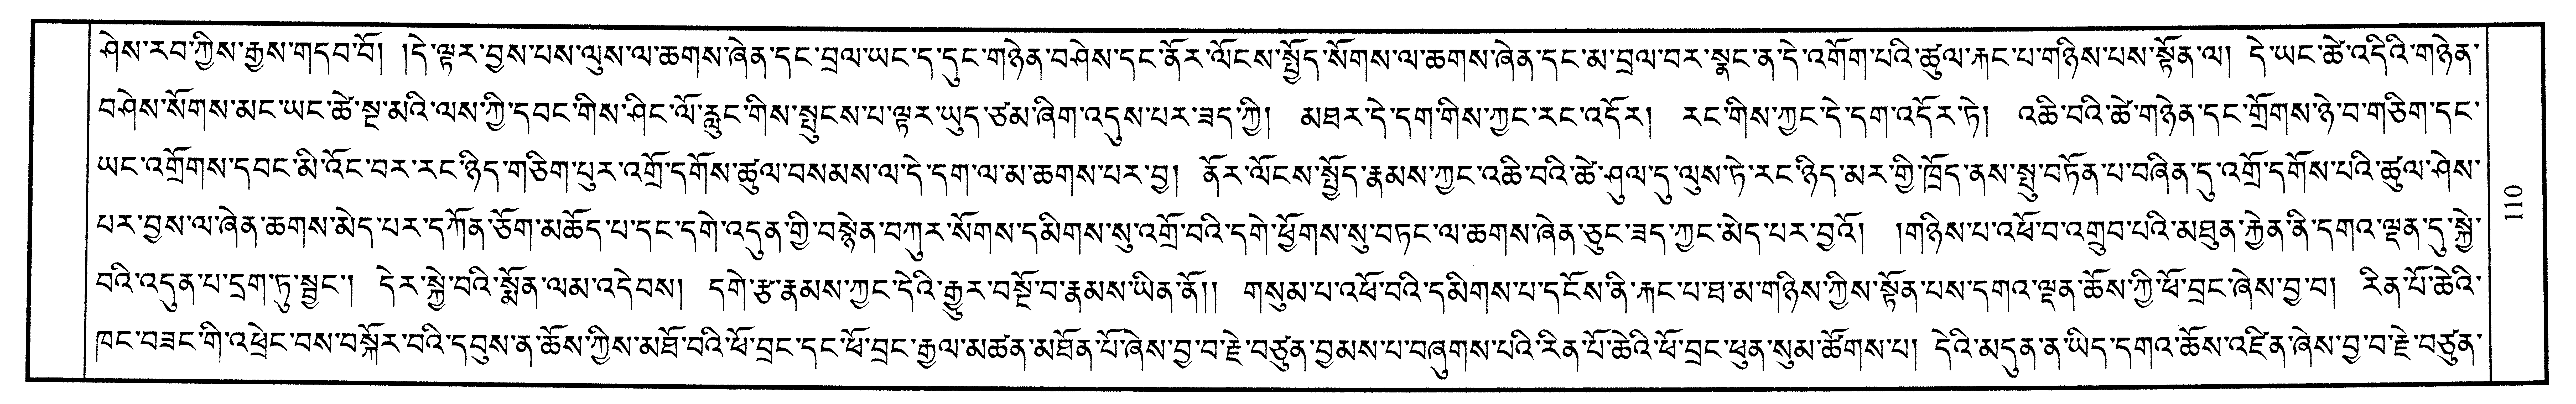ཤེས་རབ་ཀྱིས་རྒྱས་གདབ་བོ། །དེ་ལྟར་བྱས་པས་ལུས་ལ་ཆགས་ཞེན་དང་བྲལ་ཡང་ད་དུང་གཉེན་བཤེས་དང་ནོར་ལོངས་སྤྱོད་སོགས་ལ་ཆགས་ཞེན་དང་མ་བྲལ་བར་སྣང་ན་དེ་འགོག་པའི་ཚུལ་རྐང་པ་གཉིས་པས་སྟོན་པ། དེ་ཡང་ཚེ་འདིའི་གཉེན་
བཤེས་སོགས་མང་ཡང་ཚེ་སྔ་མའི་ལས་ཀྱི་དབང་གིས་ཤིང་ལོ་རླུང་གིས་སྤུངས་པ་ལྟར་ཡུད་ཙམ་ཞིག་འདུས་པར་ཟད་ཀྱི། མཐར་དེ་དག་གིས་ཀྱང་རང་འདོར། རང་གིས་ཀྱང་དེ་དག་འདོར་ཏེ། འཆི་བའི་ཚེ་གཉེན་དང་གྲོགས་ཉེ་བ་གཅིག་དང་
ཡང་འགྲོགས་དབང་མི་འོང་བར་རང་ཉིད་གཅིག་པུར་འགྲོ་དགོས་ཚུལ་བསམས་ལ་དེ་དག་ལ་མ་ཆགས་པར་བྱ། ནོར་ལོངས་སྤྱོད་རྣམས་ཀྱང་འཆི་བའི་ཚེ་ཤུལ་དུ་ལུས་ཏེ་རང་ཉིད་མར་གྱི་ཁྲོད་ནས་སྤུ་བཏོན་པ་བཞིན་དུ་འགྲོ་དགོས་པའི་ཚུལ་ཤེས་
པར་བྱས་ལ་ཞེན་ཆགས་མེད་པར་དཀོན་ཅོག་མཆོད་པ་དང་དགེ་འདུན་གྱི་བསྙེན་བཀུར་སོགས་དམིགས་སུ་འགྲོ་བའི་དགེ་ཕྱོགས་སུ་བཏང་ལ་ཆགས་ཞེན་ཅུང་ཟད་ཀྱང་མེད་པར་བྱའོ། །གཉིས་པ་འཕོ་བ་འགྲུབ་པའི་མཐུན་རྐྱེན་ནི་དགའ་ལྡན་དུ་སྐྱེ་
བའི་འདུན་པ་དྲག་ཏུ་སྦྱང་། དེར་སྐྱེ་བའི་སྨོན་ལམ་འདེབས། དགེ་རྩ་རྣམས་ཀྱང་དེའི་རྒྱུར་བསྔོ་བ་རྣམས་ཡིན་ནོ། །གསུམ་པ་འཕོ་བའི་དམིགས་པ་དངོས་ནི་རྐང་པ་ཐ་མ་གཉིས་ཀྱིས་སྟོན་པས་དགའ་ལྡན་ཆོས་ཀྱི་ཕོ་བྲང་ཞེས་བྱ་བ། རིན་པོ་ཆེའི་
ཁང་བཟང་གི་འཕྲེང་བས་བསྐོར་བའི་དབུས་ན་ཆོས་ཀྱིས་མཐོ་བའི་ཕོ་བྲང་དང་ཕོ་བྲང་རྒྱལ་མཚན་མཐོན་པོ་ཞེས་བྱ་བ་དབྲྗེ་བཙུན་བྱམས་པ་བཞུགས་པའི་རིན་པོ་ཆེའི་ཕོ་བྲང་ཕུན་སུམ་ཚོགས་པ། དེའི་མདུན་ན་ཡིད་དགའ་ཆོས་འཛིན་ཞེས་བྱ་བ་རྗེ་བཙུན་